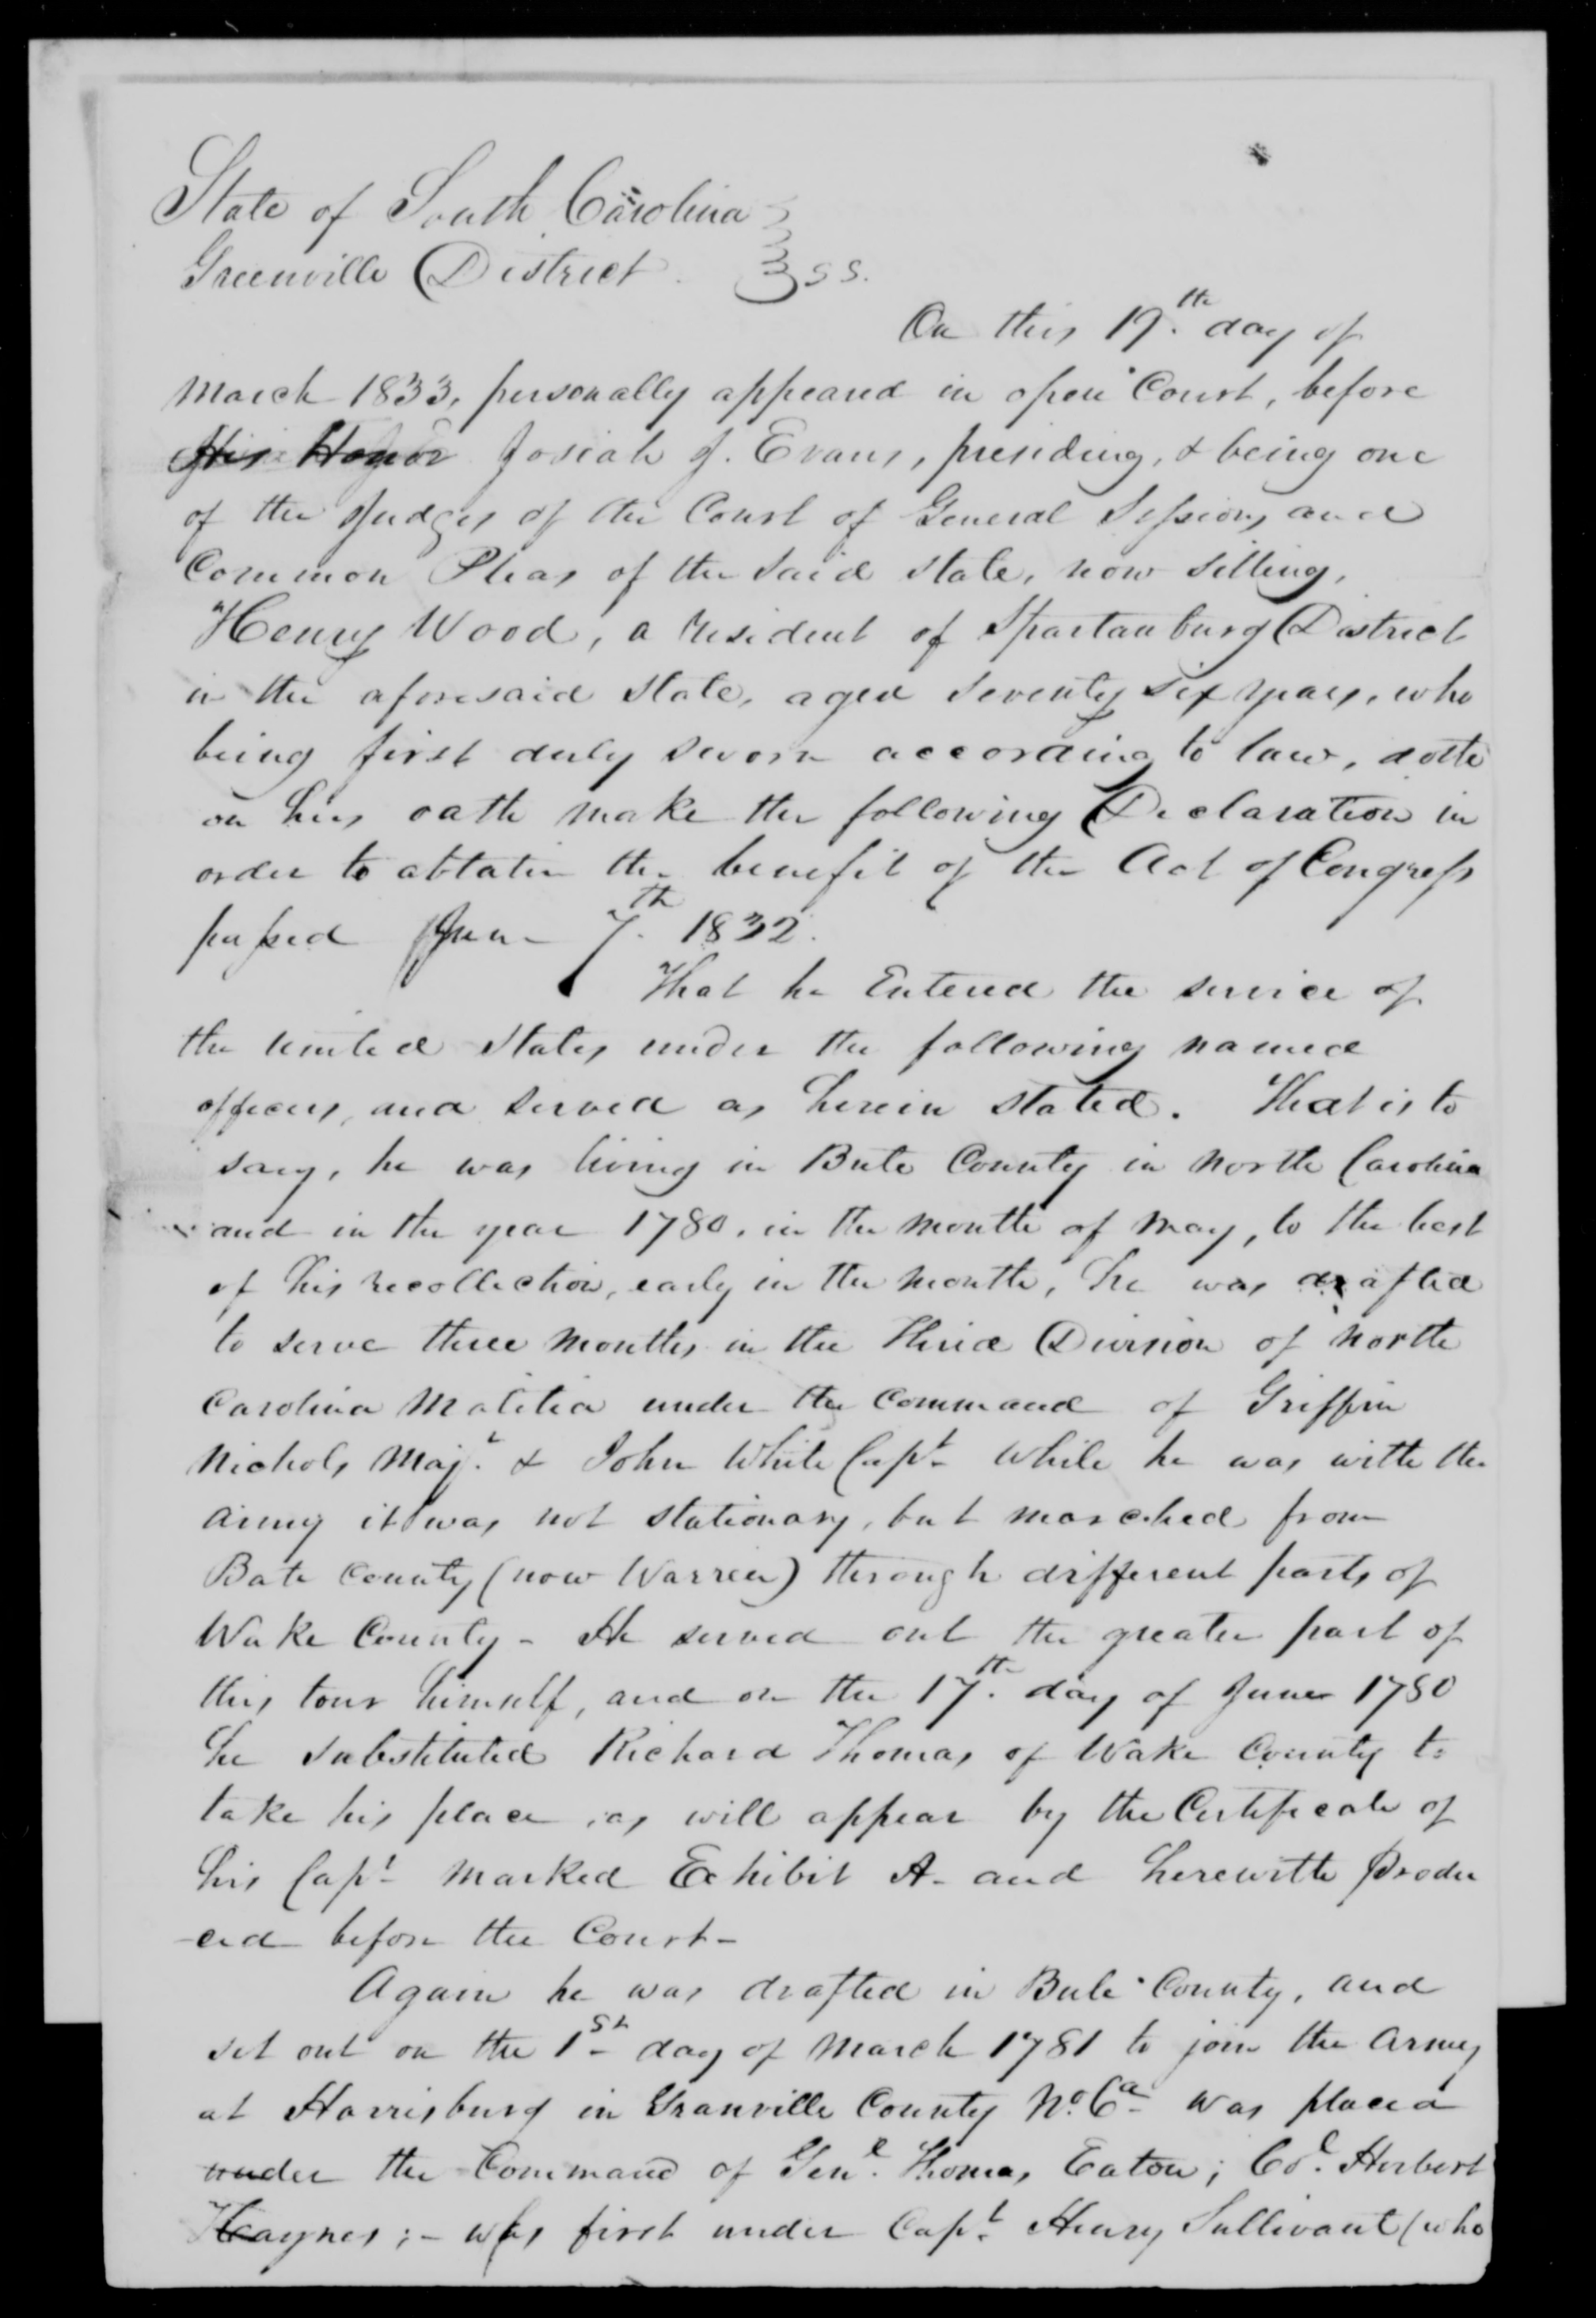State of South Carolina
Greenville District
On this 19th day of March 1833 personally appeared in open court before his honorable Josiah Evans, presiding, & being one of the judges of this Court of General [xx] and common pleas of the said state, now sitting Henry Wood, a resident of Spartanburg District in the afforsaid state, aged seventy six years who being first duly sworn according to law, doth on his oath makes the following Declaration in order to obtain the benefit of the Act of Congress passed June 7th 1832.
That he entered  the service of the United States under the following named officers ands erved as herein stated. That is to say, he was living in Bute County in North Carolina and in the year 1780 in the month of May, to he best of his recollection, early in the month, he was ordered to serve three months in the [xx] Division of North Carolina Malitia under the command of Griffin Nichols Maj & John White Capt while he was with the Army it was not stationary but marched from Bute County (now Warren) through different parts of Wake County - he served out the greater part of the tour himself and on the 17th day of June 1780 he substituted Richard Thomas of Wake County to take his place as will appear by the Certificate of his Capt marked Exhibit A and herewith provided to the court-
Again he was drafted in Bute County and set out on the 1st day of March 1781 to join the Army at Harrisburg in Granville County No.6a was placed under the command of Gen. Thomas Eaton, Co. Herbert Haynes - was first under Capt. Henry Sullivant who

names: Josiah J Evans, John White, Henry Sullivant, Thomas Eaton, Richard Thomas, Herbert Haynes, Griffin Nichols, Henry Wood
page: 6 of 40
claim: rejected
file: R. 11785, Henry Wood, N. C.